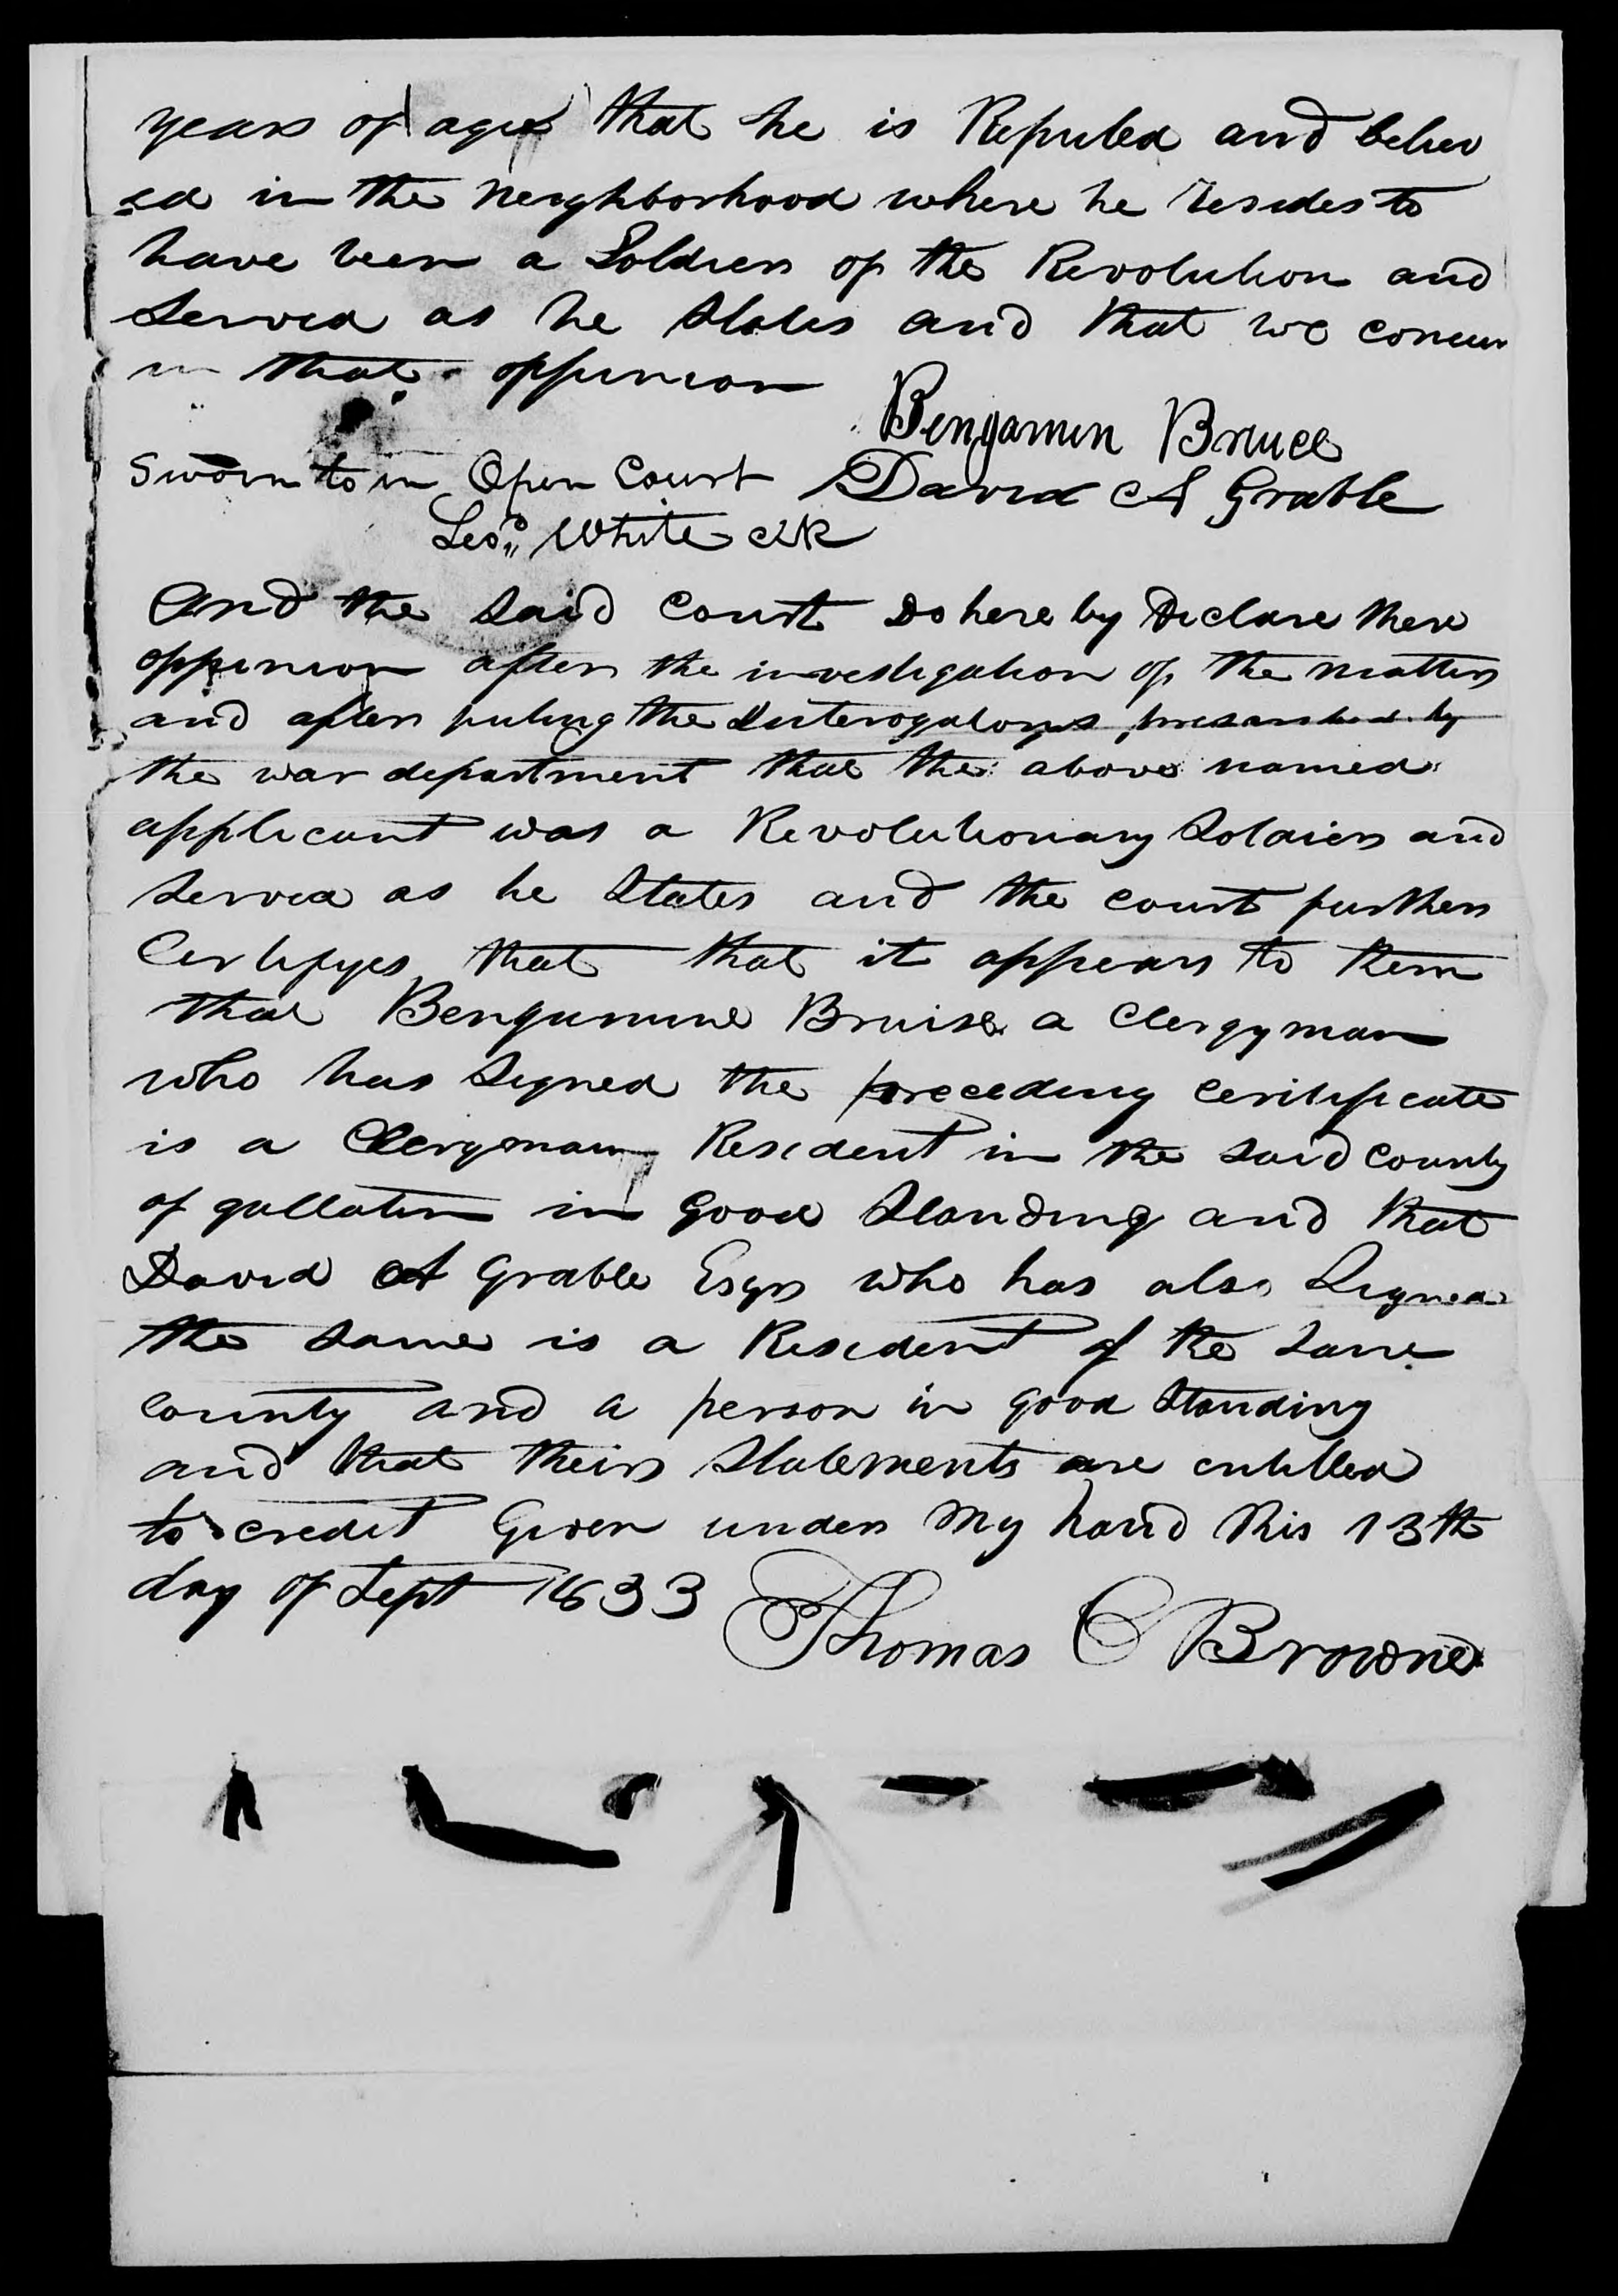years of age that he is Reputed and believed in the neighborhood where he resides to have been a  Soldier of the Revolution and Served as he states and that we concur in that opinion
Benjamin Bruise
Sworn to in Open Court David A Grable
Leod. White Clk
And the said Court do hereby Declare their opinion after the investigation of the matter and after putting the Interrogatories prescribed by the war department that the above named applicant was a Revolutionary Soldier and served as he states and the court further certifys that that it appears to them that Benjamin Bruise a Clergyman who has signed the preceding certificate is a Clergyman Resident in the said county of Gallatin in good standing and that David A Grable Esqr who has also signed the same is a Resident of the same county and a person in good standing and that their statements are entitled to credit Given under my hand this 13th day of Sept 1833
Thomas C Browne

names: David A Grable, Benjamin Bruice, David A Grable, Leod White, Benjamin Bruise, Thomas C Browne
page: 6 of 29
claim: rejected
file: R. 3010, Charles Donaway, Va.